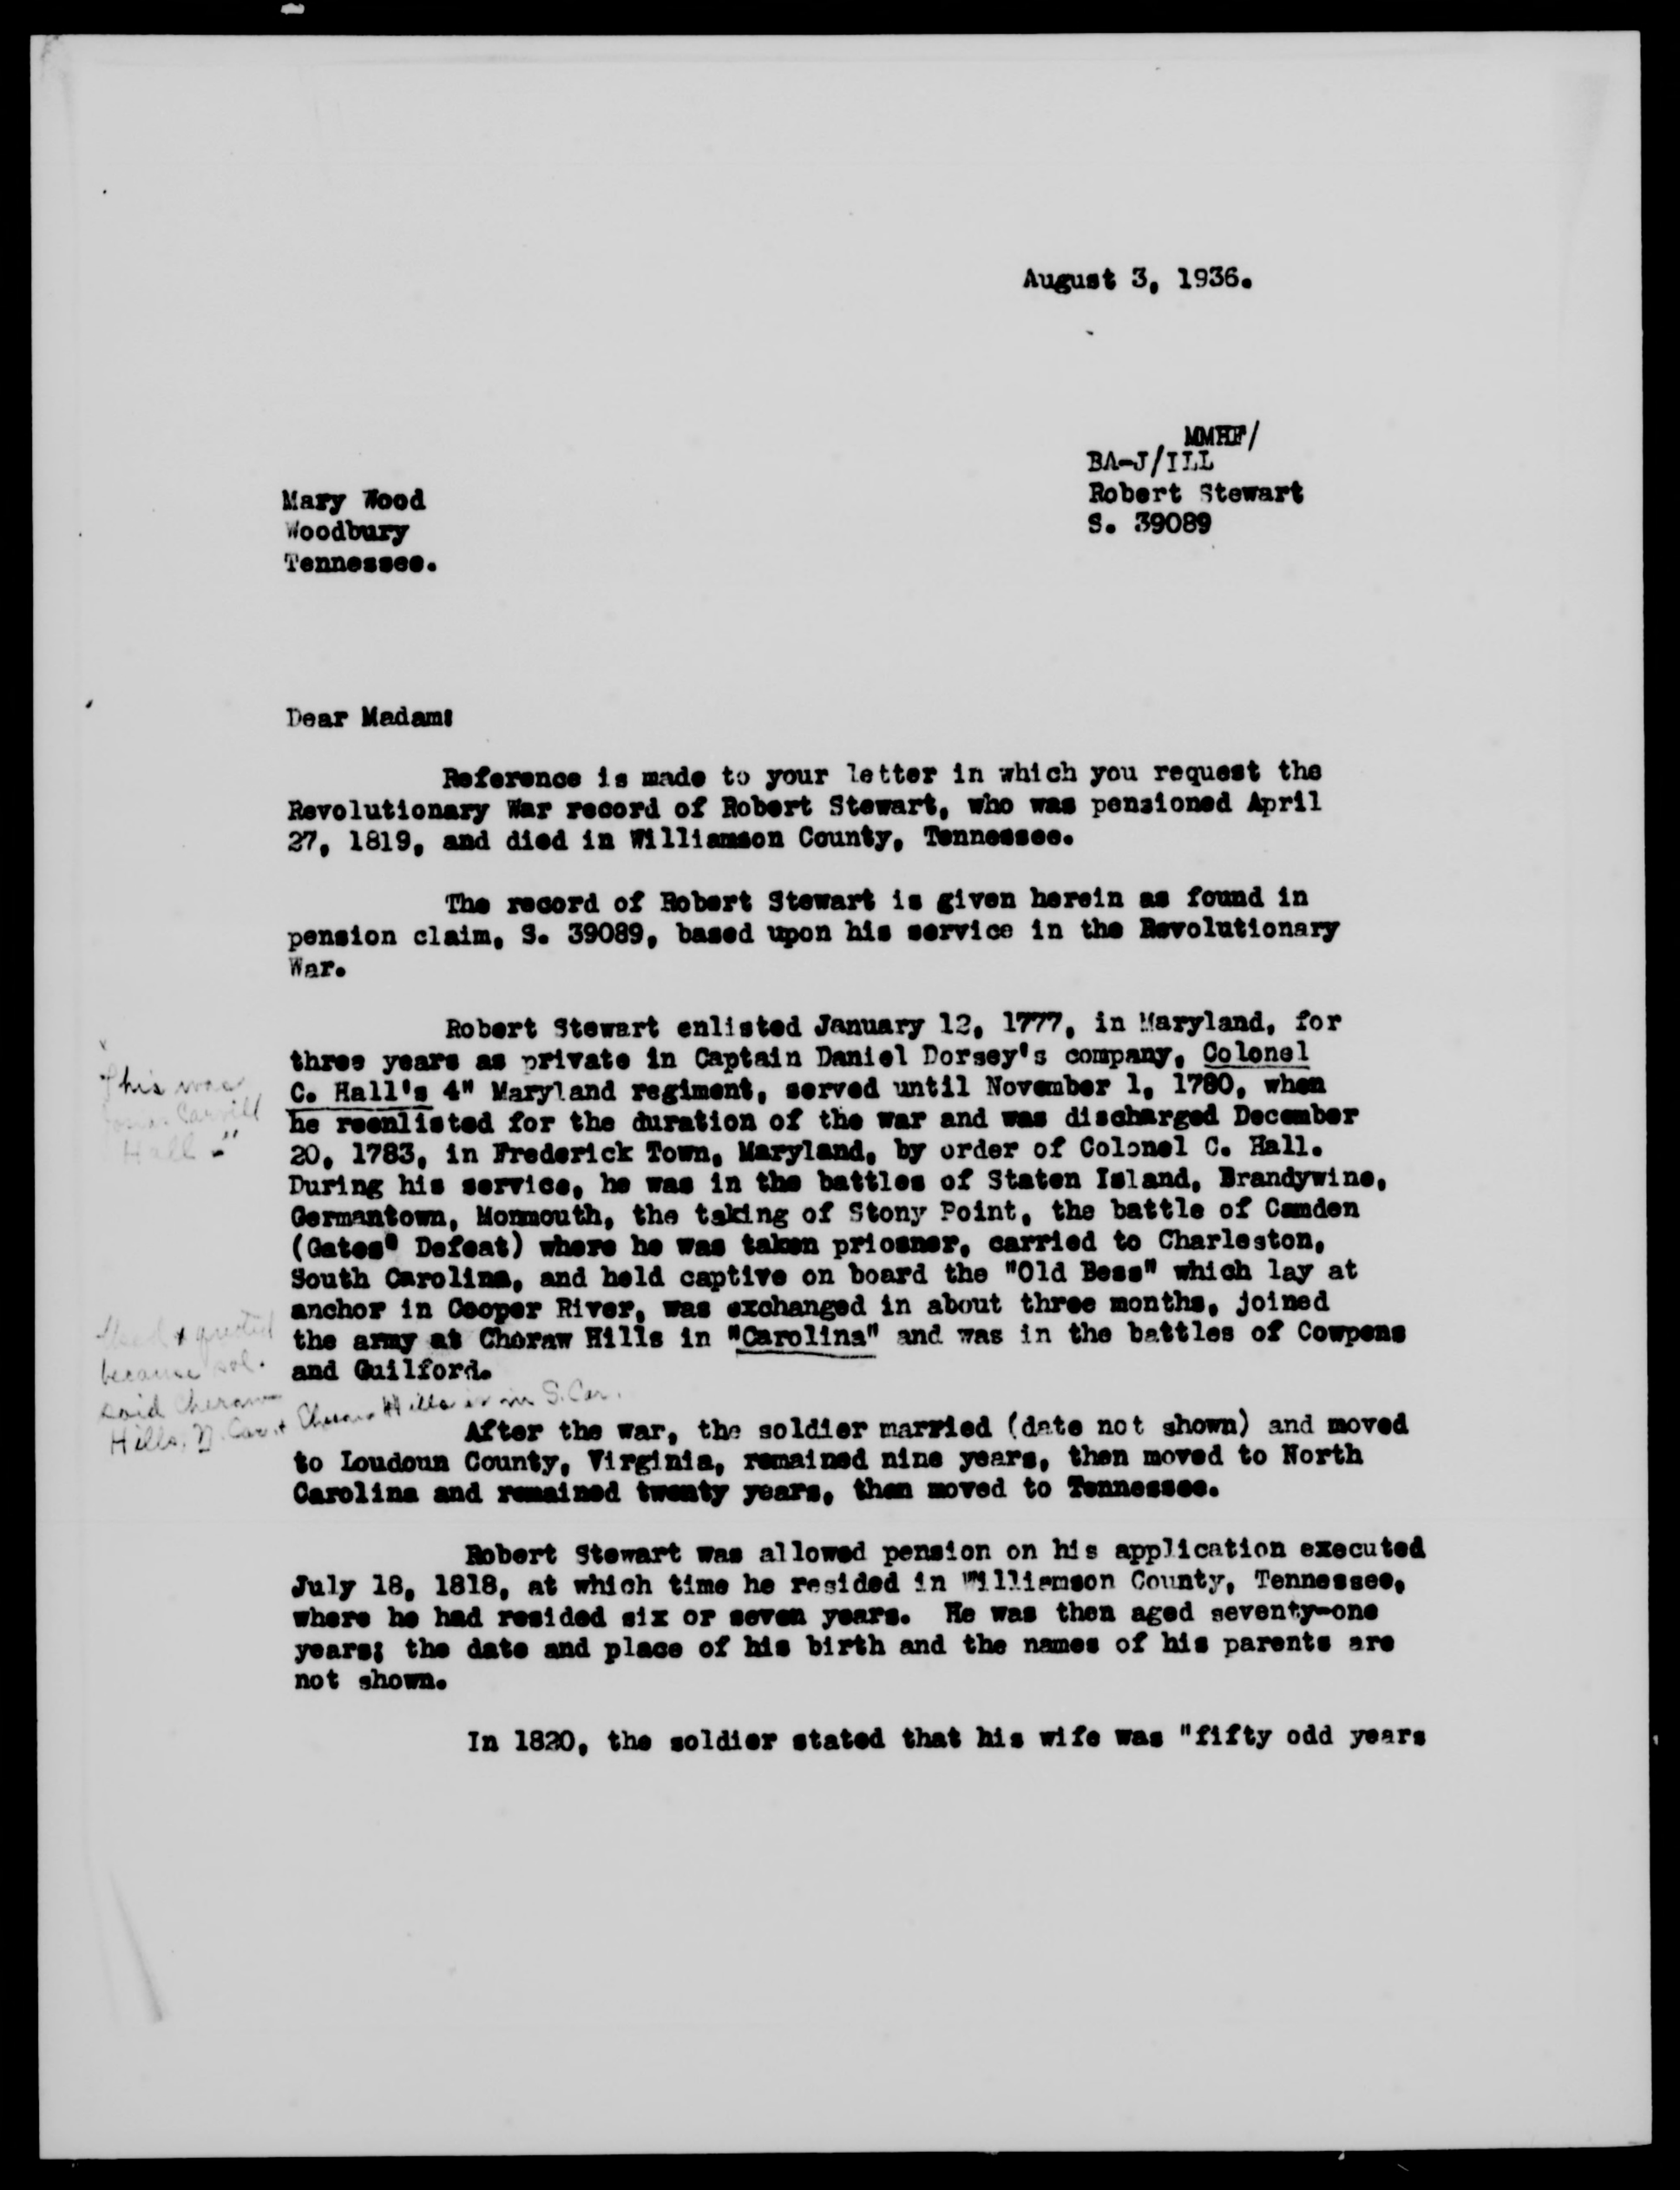August 3, 1936

BA-J/ILL
Robert Stewart
S.39089

Mary Wood
Woodbury
Tennessee

Dear Madam:

Reference is made to your letter in which you  request the Revolutionary War record of Robert Stewart, who was pensioned April 27, 1819, and died in Williamson County, Tennessee.

The record of Robert Stewart is given herein as found in pension Claim S.39089 based upon his service in the revolutionary war.

Robert Stewart enlisted January 12, 1777, in Maryland for three years as private in Captain Daniel Dorsey's company, Colonel C. Hall's 4th Maryland regiment, served until November 1, 1780, when he re-enlisted for the duration of the war and was discharged December 20, 1783, in Frederick Town, Maryland by order of Colonel C. Hall. During his service, he was in the battles of Staten island, Brandywine, Germantown, Monmouth, the taking of Stony Point, the battle of Camden (Gates Defeat) where he was taken prisoner, carried to Charleston, South Carolina, and held captive on board the "Old Bess" which lay at anchor in Cooper River, was exchanged in about three months, joined the army at Cheraw Hills in "Carolina" and was in the battles of Cowpens and Guilford.

After the war, the soldier married (date not shown) and moved to Loudoun County, Virginia, remained nine years, then moved to North Carolina and remained Twenty years, then moved to Tennessee.

Robert Stewart was allowed pension on his application executed July 18, 1818, at which time he resided in Williamson County, Tennessee, where he had resided six or seven years. He was then aged seventy-one years; the date and place of his birth and the names of his parents are not shown.

In 1820, the soldier stated that his wife was fifty odd year

Handwritten next to C. Hall is "this was Jonas Carvill Hall"

Handwritten next to "Carolina" is "Used quotes because soldier said Cheraw Hills, N. Carloine and Cheraw Hills is in S. Car."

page: 10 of 15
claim: survivor's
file: S 39089, for Robert Stewart, Maryland